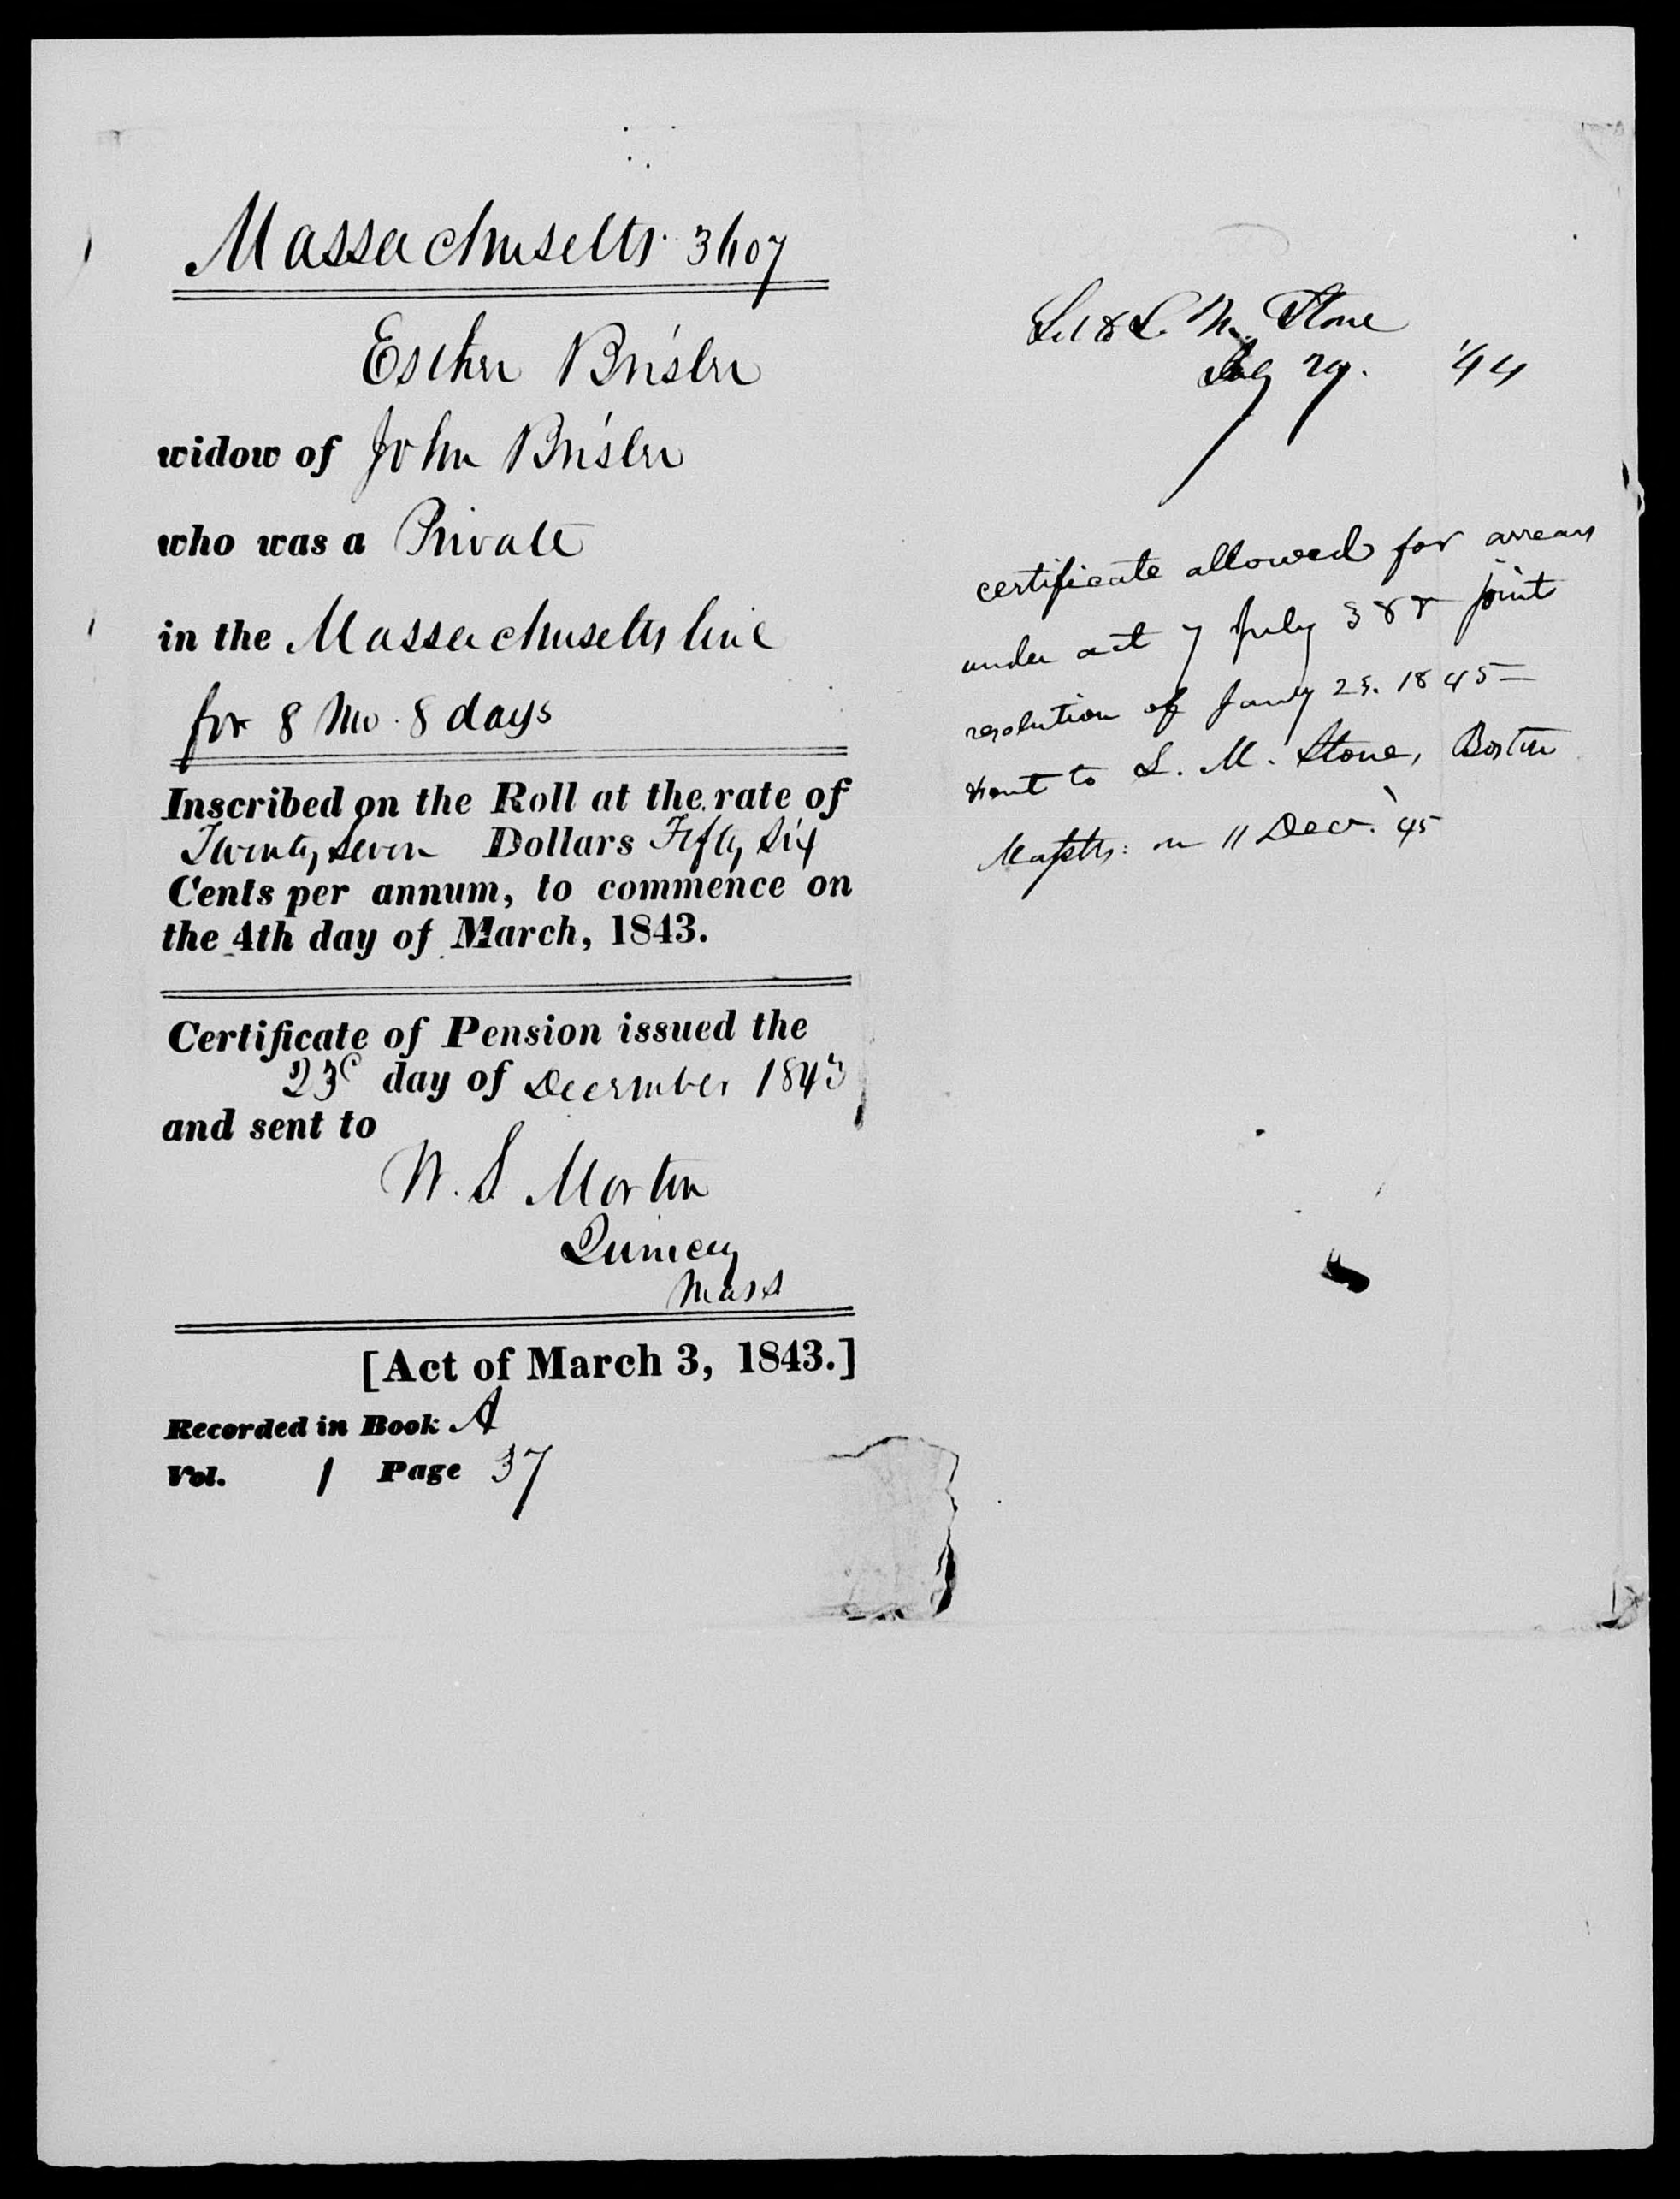Massachusetts  3607
Esther Brisler widow of John Brisler who was a Private in the Massachusetts line for 8 mo. 8 days. Inscribed on the Roll at the rate of Twenty Seven Dollars Fifty six Cents per annum, to commence on the 4th day of March, 1843. 
Certificate of Pension issued the 23d day of December 1843 and sent to W. S. Martin Quincey Mass 
Act of March 3, 1843. Recorded in Book: A Vol 1 page 37
[illegible] '44
certificate allowed for arrears under act of July 38 & joint resolution of January 23 1845 - Sent to Sm. M. Stone, Boston Masstts on 11 Dec '45.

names: W S Morton, L M Stone, John Brisler, L M Stone, Esther Brisler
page: 20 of 46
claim: widow's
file: W. 23,673, John Brisler, Mass.